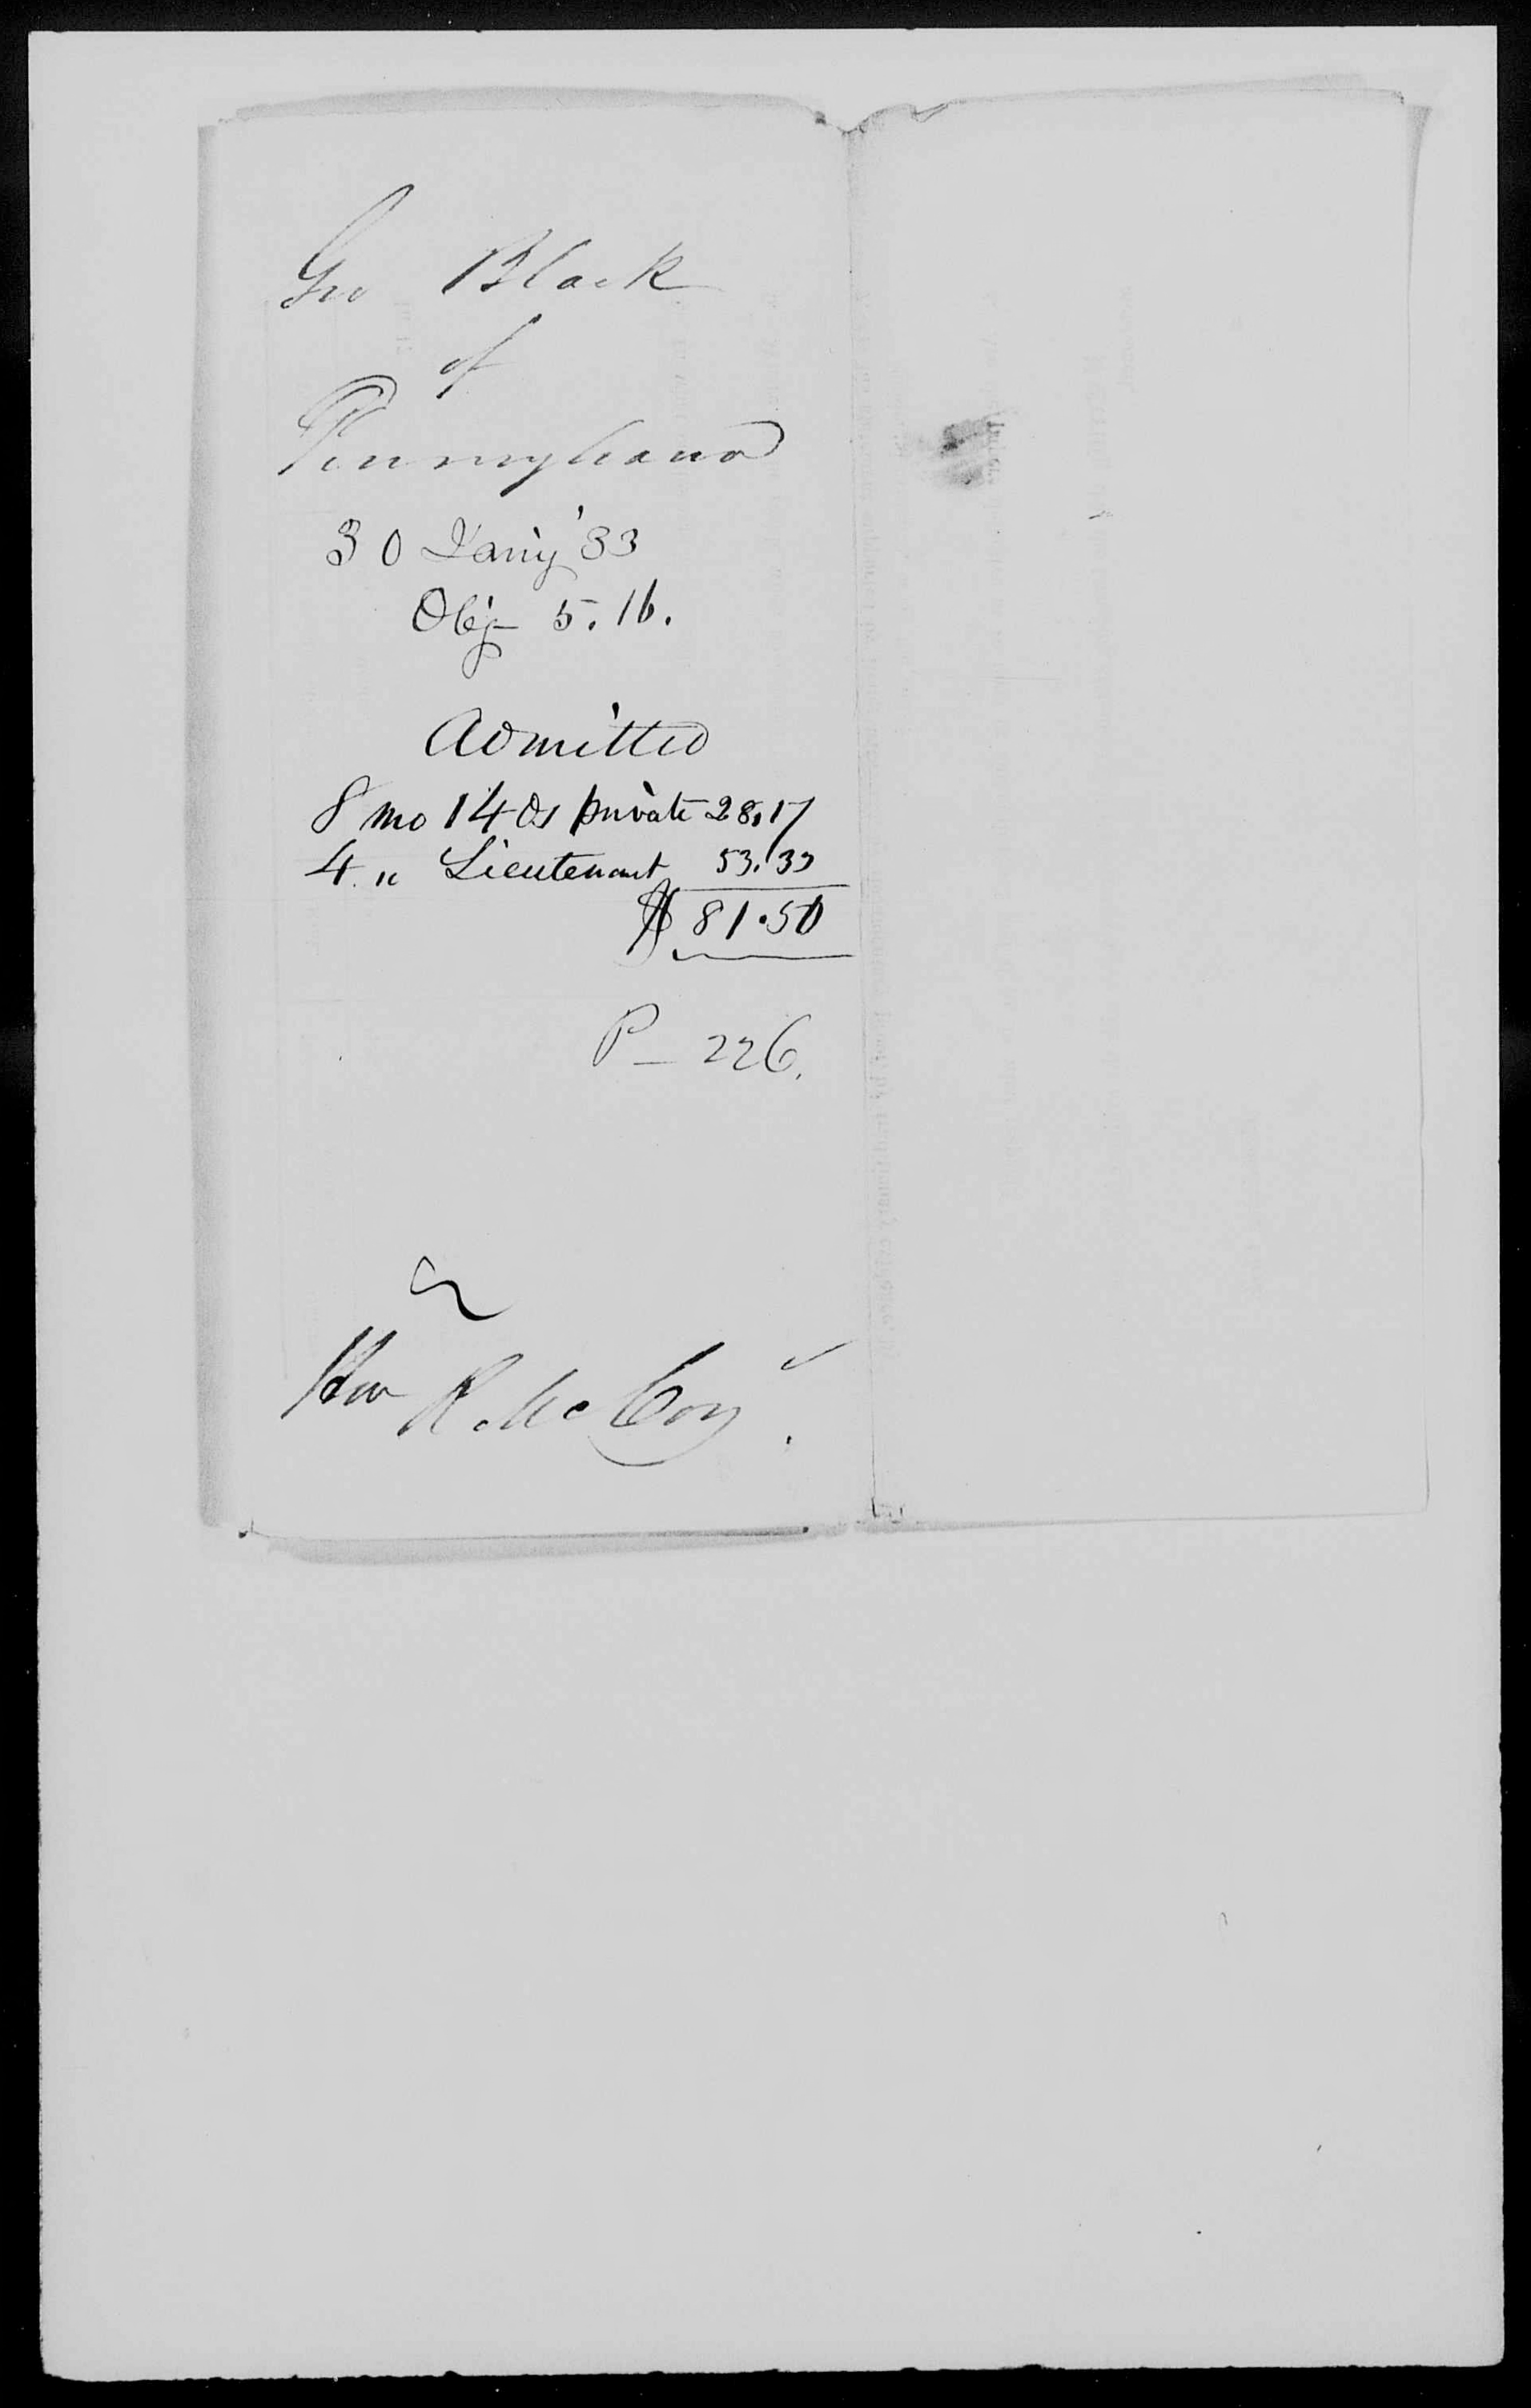Geo Black
of
Pennsylvania
30 [Illegible] '33
[Illegible] 5.lb.

Aomitted
8 mo 14os private 28.17
4 " Lieutenant       53.33
                      ------------
                          $81.50
                      ____________

P-226.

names: R Mc Coy, Geo Black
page: 18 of 30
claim: widow's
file: W. 3211, George Black, Penn.